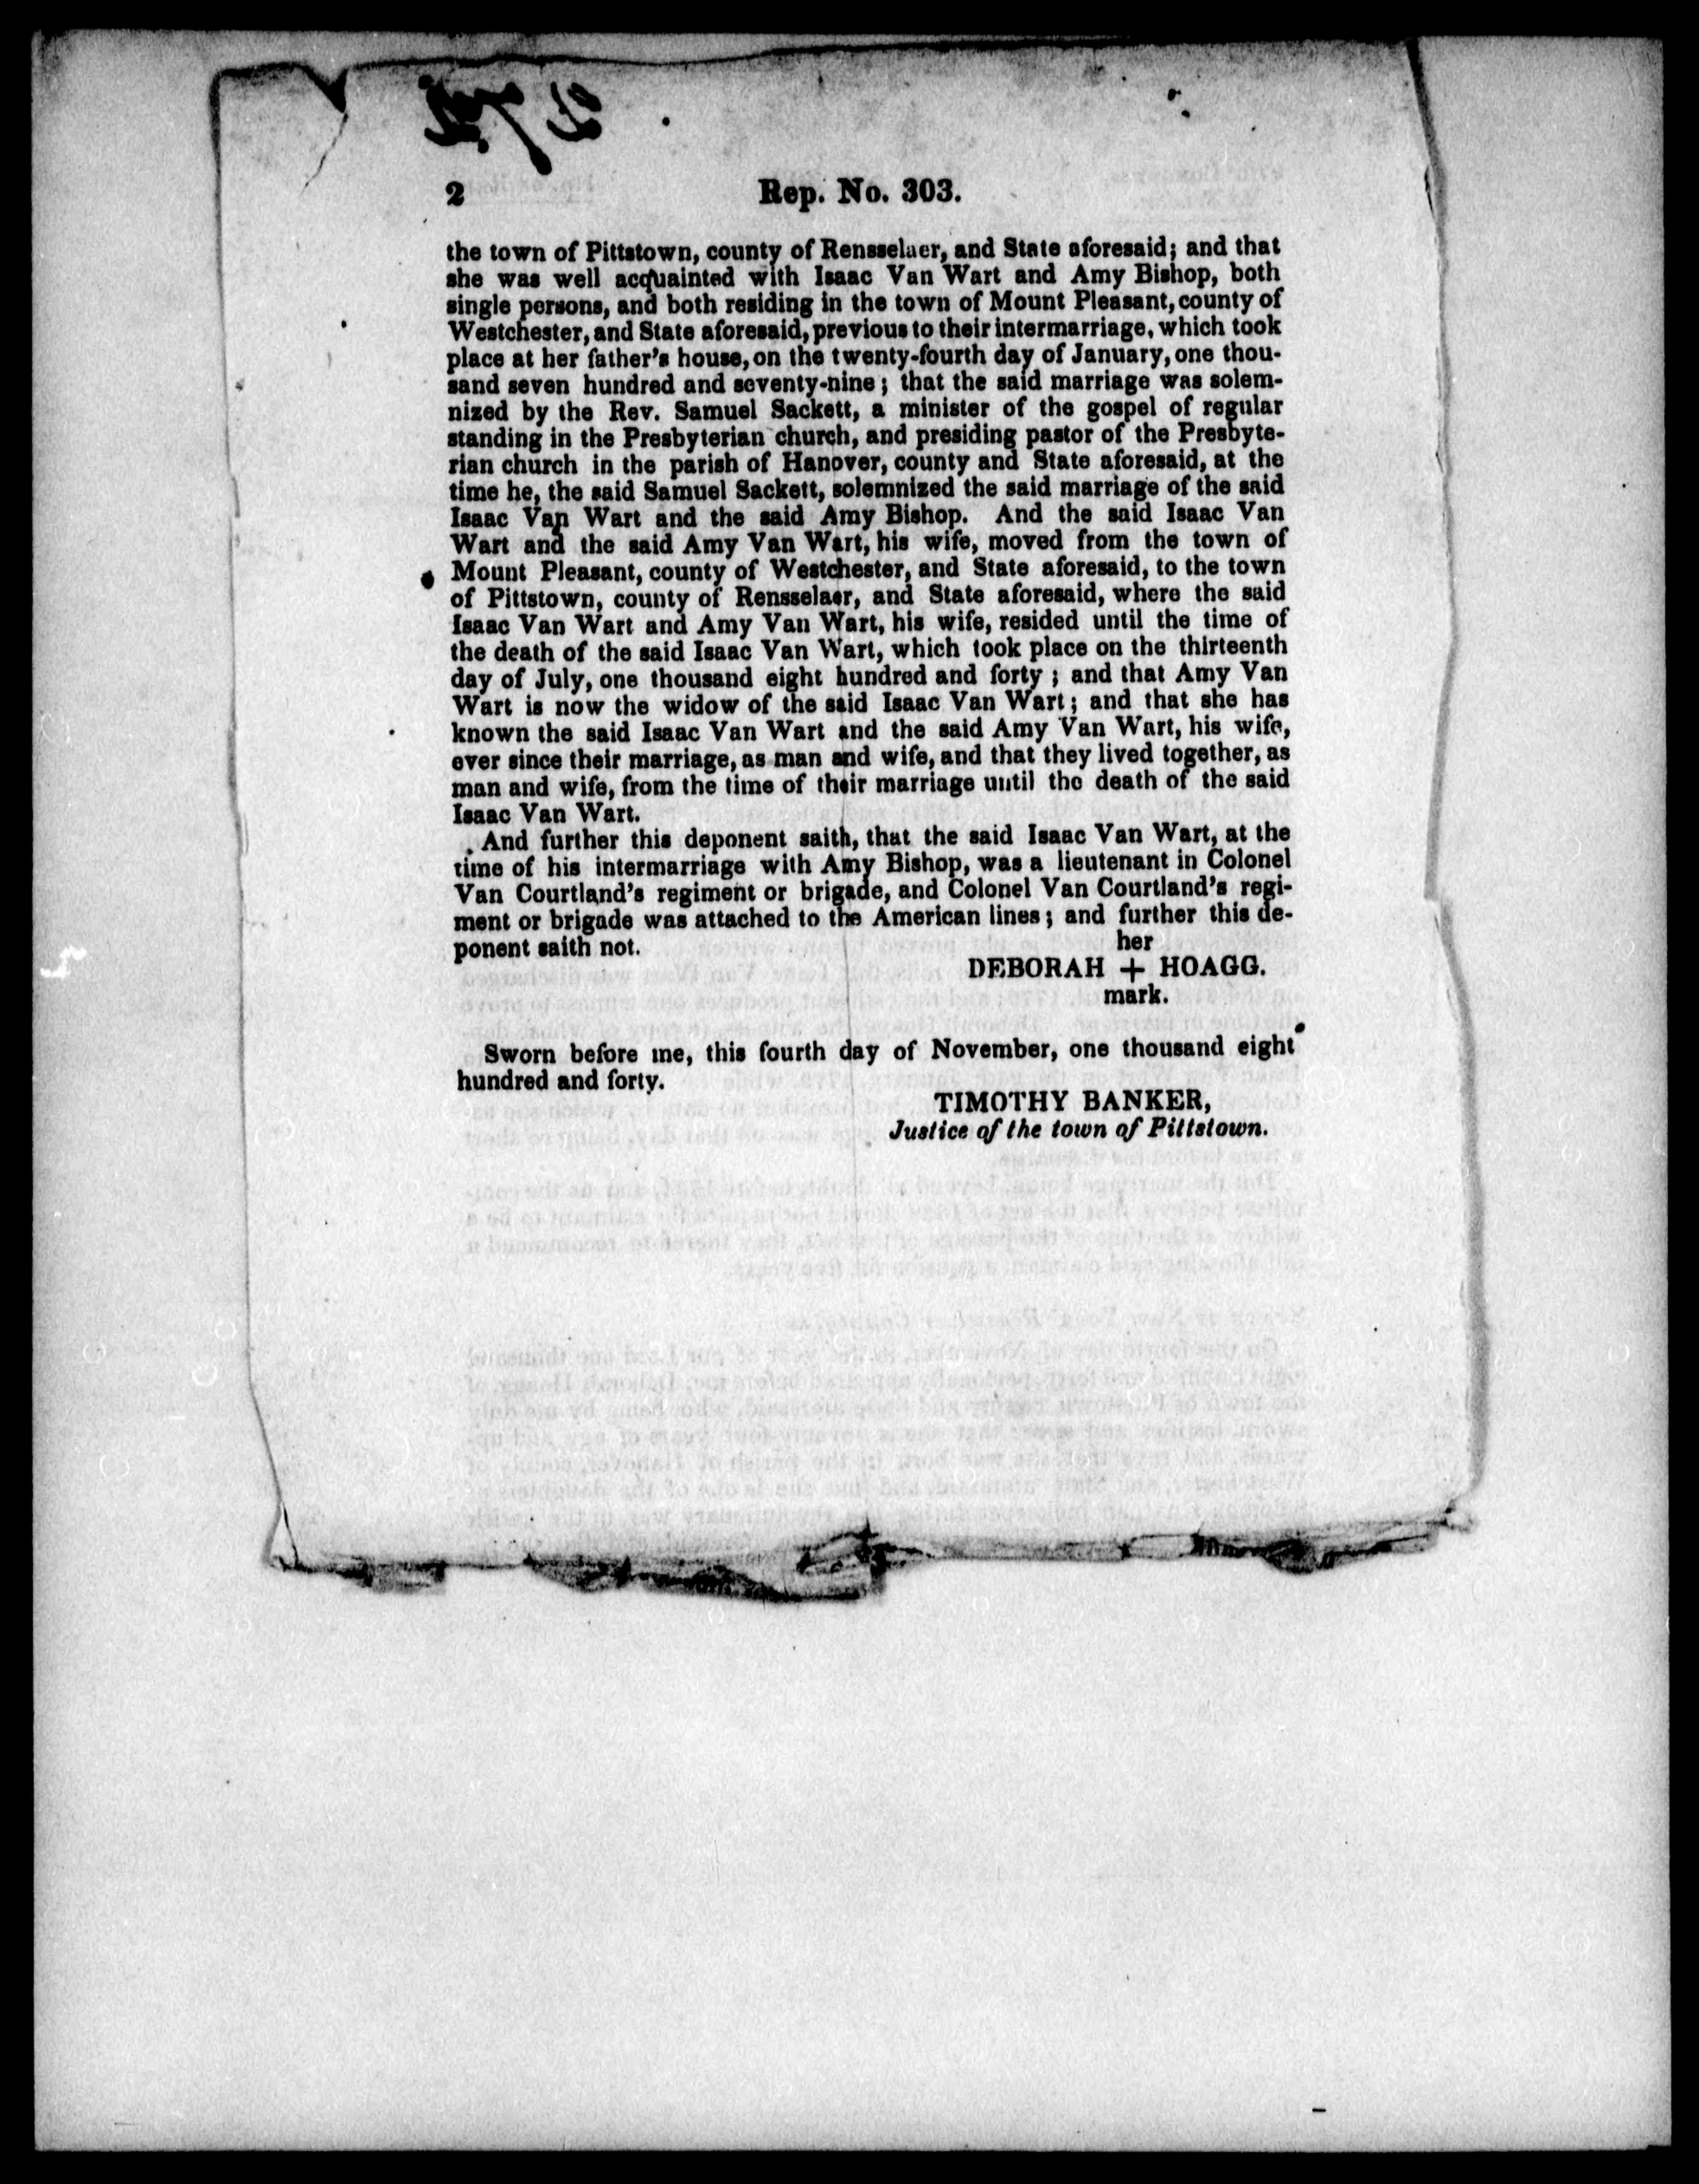2   Rep. No. 303.
the town of Pittstown, county of Rensselaer and State aforesaid; and that she was well acquainted with Isaac Van Wart and Amy Bishop, both single persons, and both residing in the town of Mount Pleasant, county of Westchester, and State aforesaid, previous to their intermarriage, which took place at her father's house, on the twenty-fourth day of January one thouand seven hundred and seventy-nine; that the said marriage was solemnized by the Rev. Samuel Sackett, a minister of the gospel of regular standing in the Presbyterian church, and presiding pastor of the Presbyterian church in the parish of Hanover, county and State aforesaid, at the time he, the said Samuel Sackett, solemnized the said marriage of the said Isaac Van Wart and the said Amy Bishop. And the said Isaac Van War and the said Amy Van Wart, his wife, moved from the town of Mount Pleasant, county of Westchester, and State aforesaid, to the town of Pittstown, county of Rensselaer and State aforesaid, where the said Isaac Van Wart and Amy Van Wart, his wife resided until the time of the death of the said Isaac Van Wart, which took place on the thirteenth day of July, one thousand eight hundred and forty; and that Amy Van Wart is now the widow of the said Isaac Van Wart; and that she has known the said Isaac Van Wart and the said Amy Van Wart, his wife, ever since their marriage, as man and wife, and that they lived together, as man and wife, from the time of their marriage until the death of the said Isaac Van Wart. 
And further this deponent saith, that the said Isaac Van Wart, at the time of his intermarriage with Amy Bishop, was a lieutenant in Colonel Van Courtland's regiment or brigade, and Colonel Van Courtland's regiment or brigade was attached to the American lines; and further this deponent saith not. 
[signed] DEBORAH HOAGG. + her mark. 
Sworn before me, this fourth day of November, one thousand eight hundred and forty.
[signed] TIMOTHY BANKER, Justice of the town of Pittstown.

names: Amy Van Wart, Timothy Banker, Isaac Van Wart, Isaac Van Wart, Amy Van Wart, Isaac Van Wart, Isaac Van Wart, Isaac Van Wart, Isaac Van Wart, Amy Bishop, Isaac Van Wart, Isaac Van Wart, Deborah Hoagg, Amy Bishop, Samuel Sackett, Amy Bishop, Amy Van Wart, Isaac Van Wart, Samuel Sackett, Amy Van Wart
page: 30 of 102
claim: widow's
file: W. 18239, Isaac Van Wart, New York